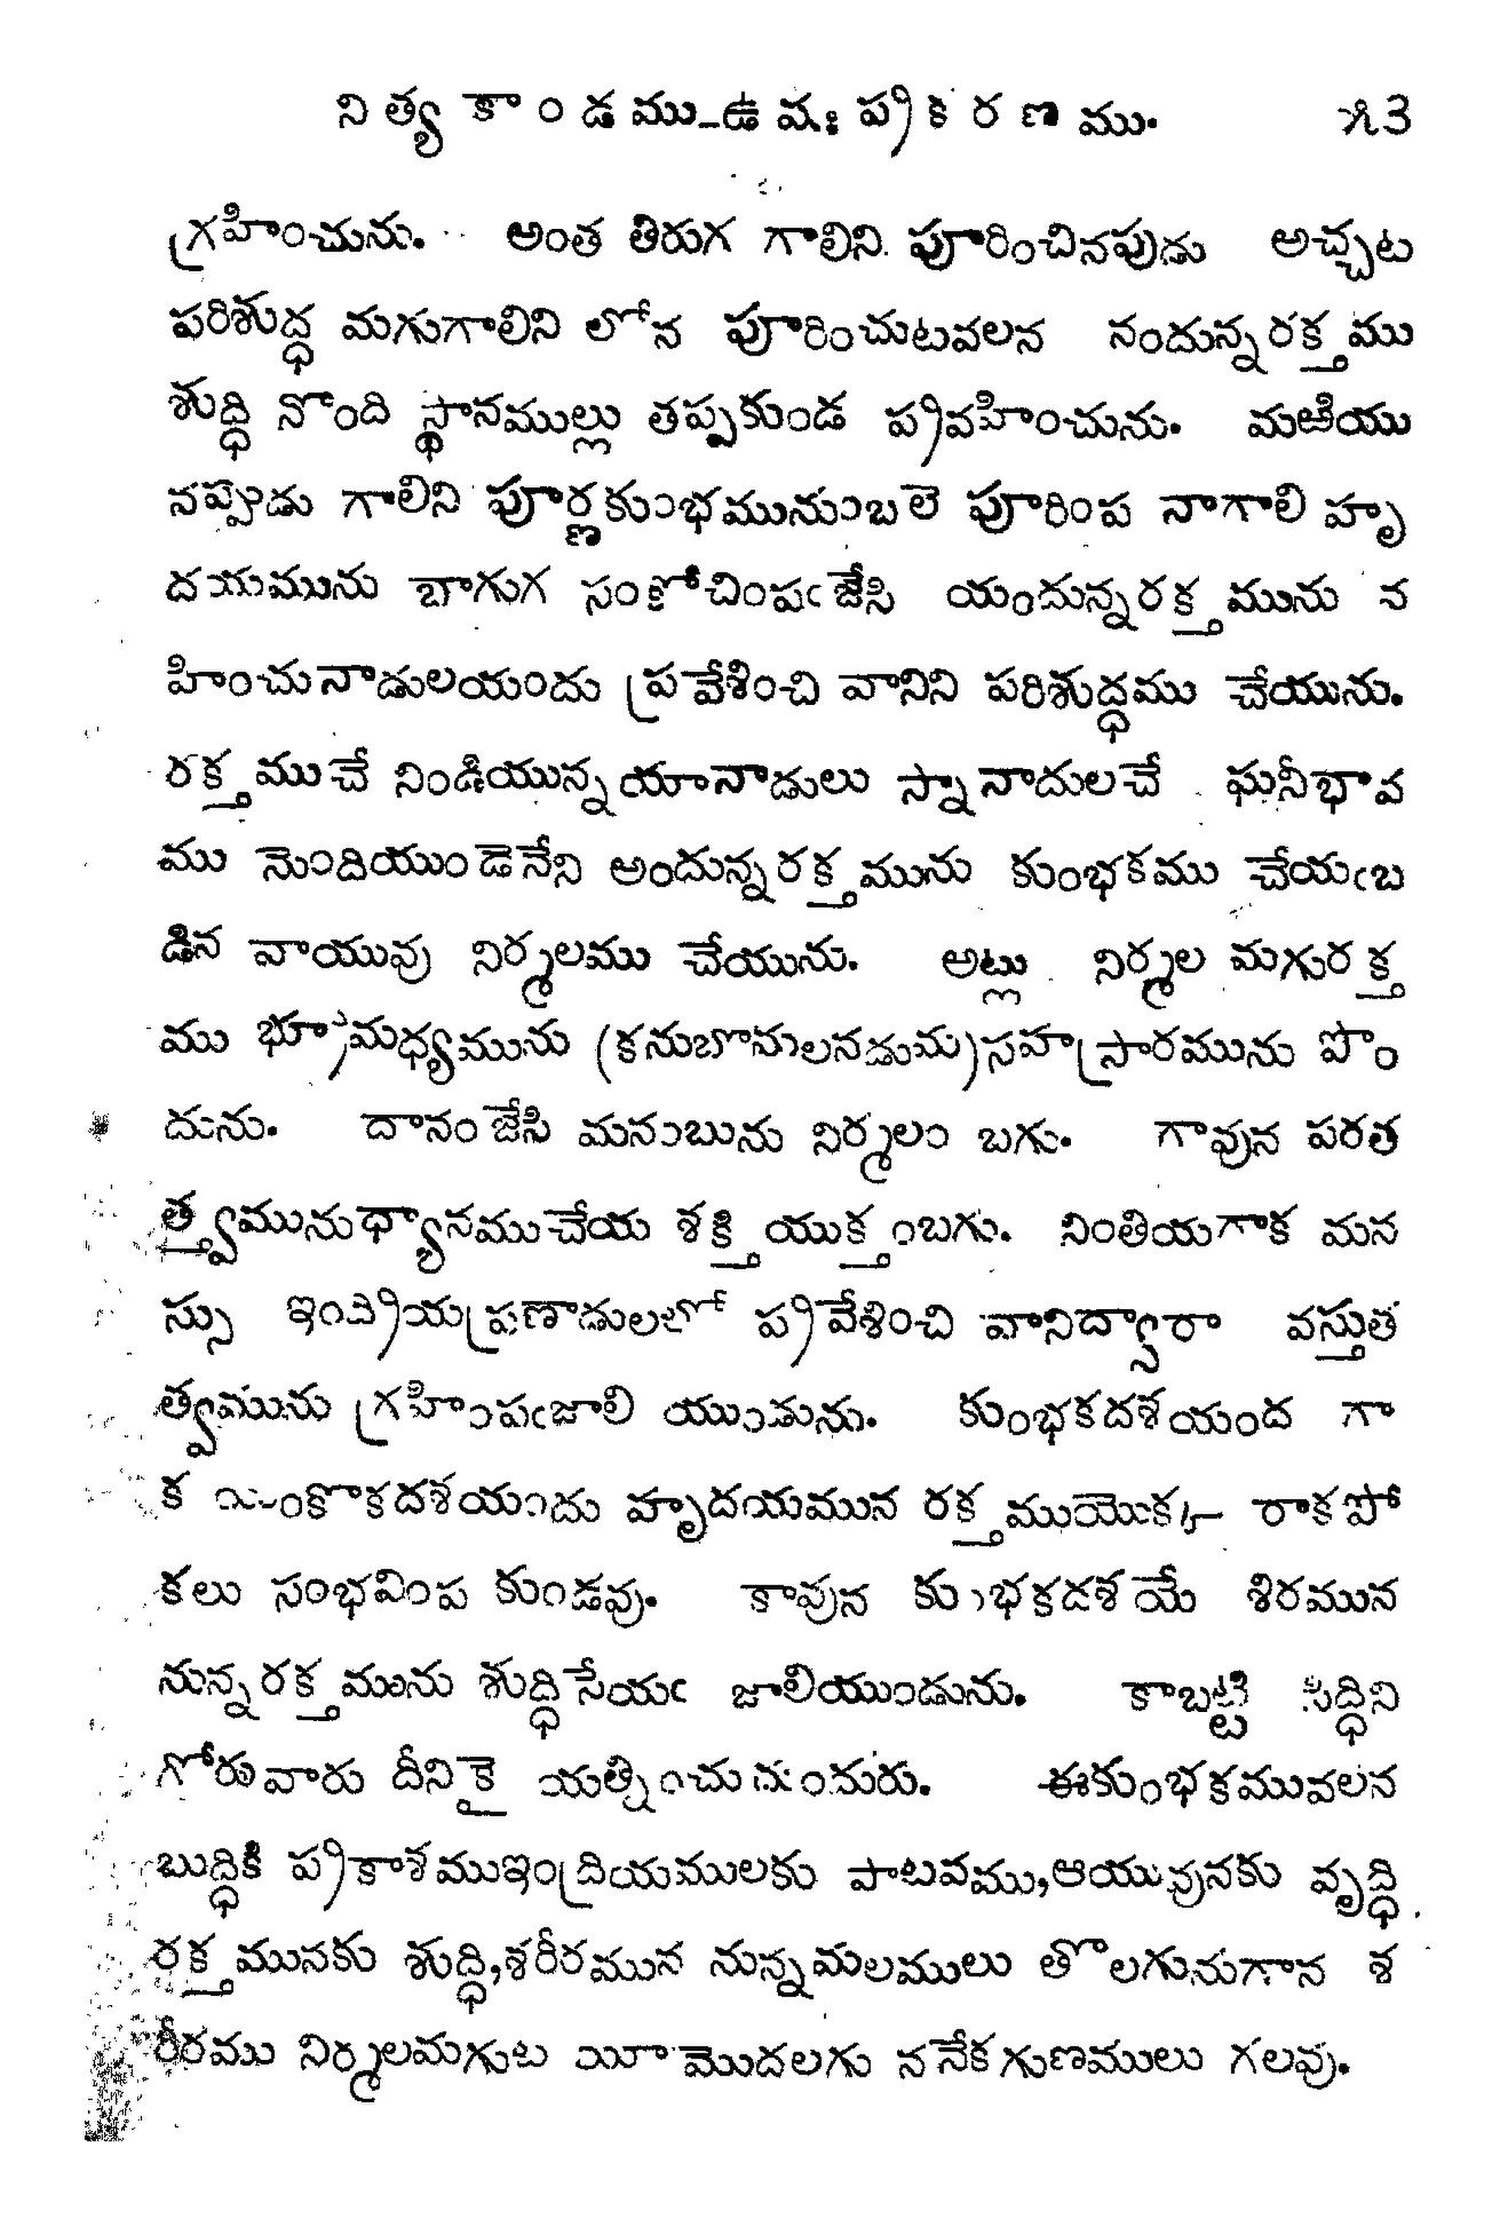గ్రహించును. అంత తిరుగ గాలిని పూరించినపుడు అచ్చట పరిశుద్ధ మగుగాలిని లోన పూరించుటవలన నందున్నరక్తము శుద్ధి నొంది స్థానముల్లు తప్పకుండ ప్రవహించును. మఱియు నప్పుడు గాలిని పూర్ణకుంభమునుంబలె పూరింప నాగాలి హృదయమును బాగుగ సంకోచింపఁజేసి యందున్నరక్తమును వహించునాడులయందు ప్రవేశించి వానిని పరిశుద్ధము చేయును. రక్తముచే నిండియున్న యానాడులు స్నానాదులచే ఘనీభావము నొందియుండెనేని అందున్నరక్తమును కుంభకము చేయఁబడిన వాయువు నిర్మలము చేయును. అట్లు నిర్మల మగురక్తము భ్రూమధ్యమును (కనుబొమలనడును) సహస్రారమును పొందును. దానంజేసి మనంబును నిర్మలం బగు. గావున పరతత్త్వమునుధ్యానముచేయ శక్తి యుక్తంబగు. నింతియగాక మనస్సు ఇంద్రియప్రణాడులలో ప్రవేశించి వానిద్వారా వస్తుతత్వమును గ్రహింపఁజాలి యుండును. కుంభకదశయంద గాక యింకొకదశయందు హృదయమున రక్తముయొక్క రాకపోకలు సంభవింప కుండవు. కావున కుంభకదశయే శిరమున నున్నరక్త మును శుద్ధిసేయఁ జాలియుండును. కాబట్టి సిద్ధిని గోరువారు దీనికై యత్నించుచుందురు. ఈకుంభకమువలన బుద్ధికి ప్రకాశముఇంద్రియములకు పాటవము, ఆయువునకు వృద్ధి రక్తమునకు శుద్ధి, శరీరమున నున్న మలములు తొలగునుగాన శరీరము నిర్మలమగుట యీమొదలగు ననేకగుణములు గలవు.